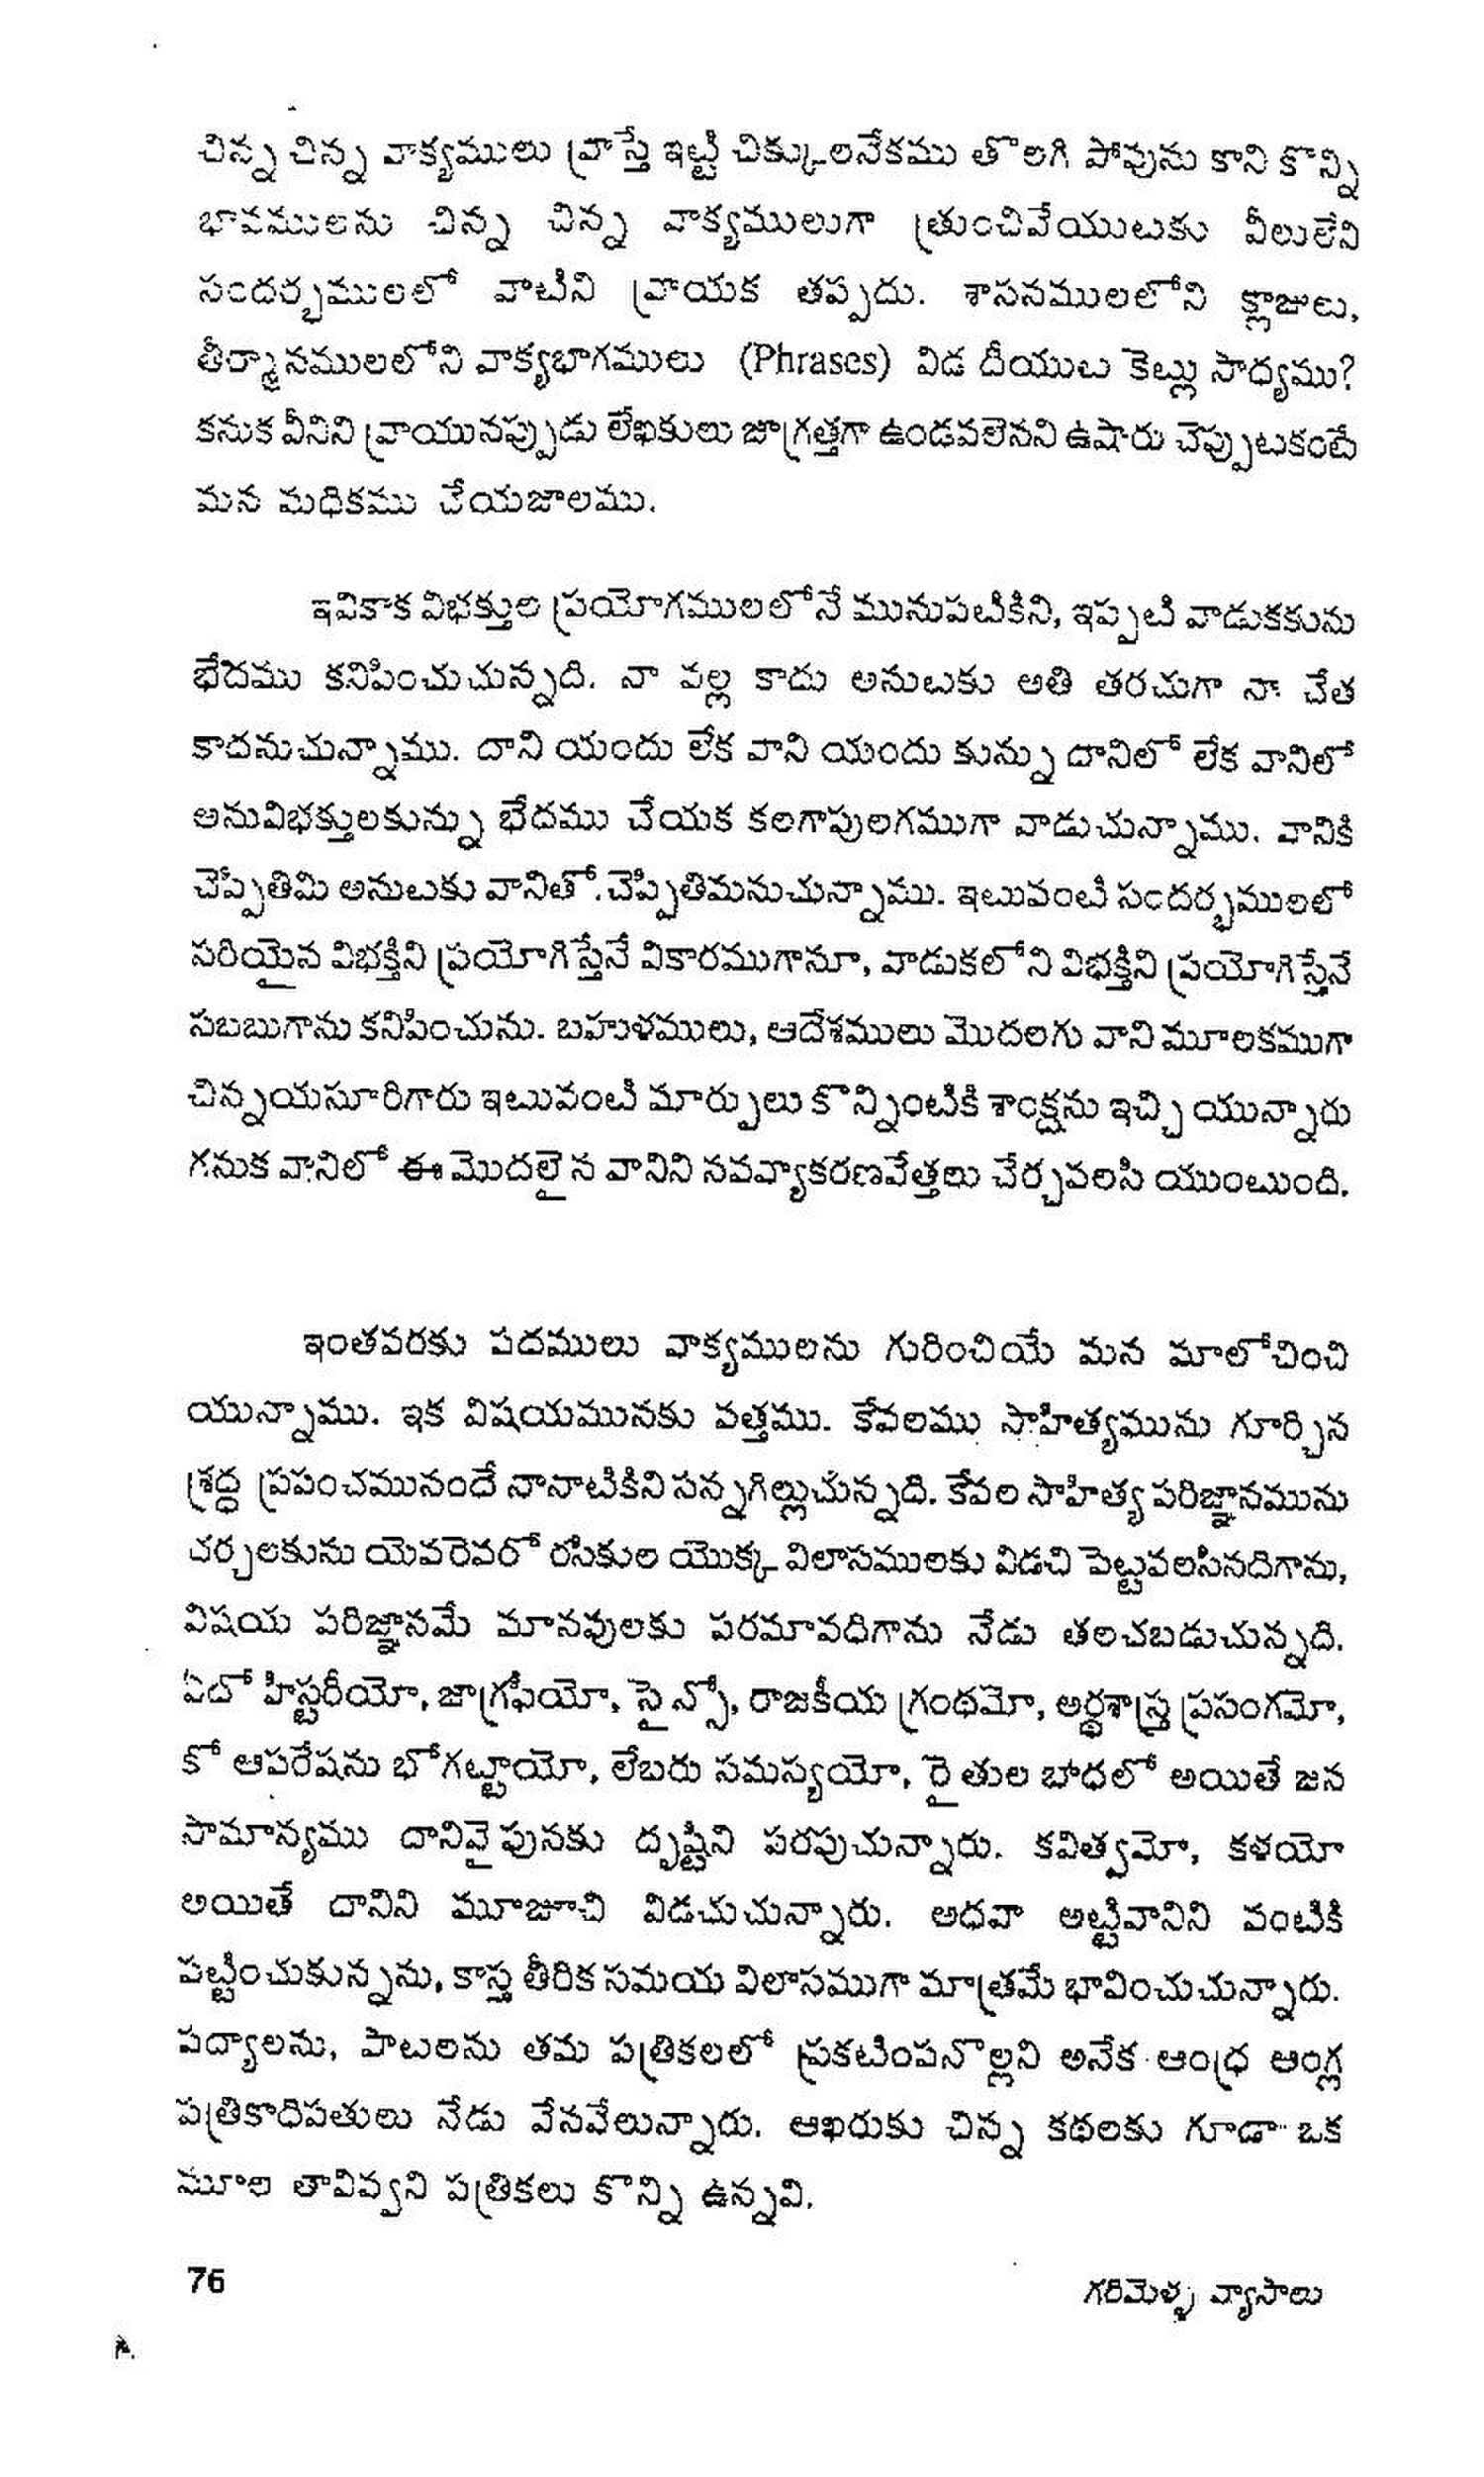చిన్న చిన్న వాక్యములు వ్రాస్తే ఇట్టి చిక్కులనేకము తొలగి పోవును కాని కొన్ని భావములను చిన్న చిన్న వాక్యములుగా త్రుంచివేయుటకు వీలులేని సందర్బములలో వాటిని వ్రాయక తప్పదు. శాసనములలోని క్లాజులు, తీర్మానములలోని వాక్యభాగములు (Phrases) విడ దీయుట కెట్లు సాధ్యము? కనుక వీనిని వ్రాయునప్పుడు లేఖకులు జాగ్రత్తగా ఉండవలెనని ఉషారు చెప్పుటకంటే మన మధికము చేయజాలము.

ఇవికాక విభక్తుల ప్రయోగములలోనే మునుపటికిని, ఇప్పటి వాడుకకును భేదము కనిపించుచున్నది. నా వల్ల కాదు అనుటకు అతి తరచుగా నా చేత కాదనుచున్నాము. దానియందు లేక వాని యందు కున్ను దానిలో లేక వానిలో అనువిభక్తులకున్ను భేదము చేయక కలగాపులగముగా వాడుచున్నాము. వానికి చెప్పితిమి అనుటకు వానితో చెప్పితిమనుచున్నాము. ఇటువంటి సందర్భములలో సరియైన విభక్తిని ప్రయోగిస్తేనే వికారముగానూ, వాడుకలోని విభక్తిని ప్రయోగిస్తేనే సబబుగాను కనిపించును. బహుళములు, ఆదేశములు మొదలగు వానిమూలకముగా చిన్నయసూరిగారు ఇటువంటి మార్పులు కొన్నింటికి శాంక్షను ఇచ్చి యున్నారు. గనుక వానిలో ఈ మొదలైన వానిని నవవ్యాకరణవేత్తలు చేర్చవలసి యుంటుంది.

ఇంతవరకు పదములు వాక్యములను గురించియే మన మాలోచించి యున్నాము. ఇక విషయమునకు వత్తము. కేవలము సాహిత్యమును గూర్చిన శ్రద్ధ ప్రపంచమునందే నానాటికిని సన్నగిల్లుచున్నది. కేవల సాహిత్య పరిజ్ఞానమును చర్చలకును యెవరెవరో రసికుల యొక్క విలాసములకు విడచి పెట్టవలసినదిగాను, విషయ పరిజ్ఞానమే మానవులకు పరమావదిగాను నేడు తలచబడుచున్నది. ఏదో హిస్టరీయో, జాగ్రఫీయో, సైన్సో, రాజకీయ గ్రంథమో, అర్థశాస్త్ర ప్రసంగమో, కో ఆపరేషను భోగట్టాయో, లేబరు సమస్యయో, రైతుల బాధలో అయితే జనసామాన్యము దానివైపునకు దృష్టిని పరపుచున్నారు. కవిత్వమో, కళయో అయితే దానిని మూజూచి విడచుచున్నారు. అదవా అట్టివానిని వంటికి పట్టించుకున్నను, కాస్త తీరిక సమయ విలాసముగా మాత్రమే భావించుచున్నారు. పద్యాలను, పాటలను తమ పత్రికలలో ప్రకటింపనొల్లని అనేక ఆంధ్ర ఆంగ్ల పత్రికాధిపతులు నేడు వేనవేలున్నారు. ఆఖరుకు చిన్న కథలకు గూడా ఒక మూల తావివ్వని పత్రికలు కొన్ని ఉన్నవి.